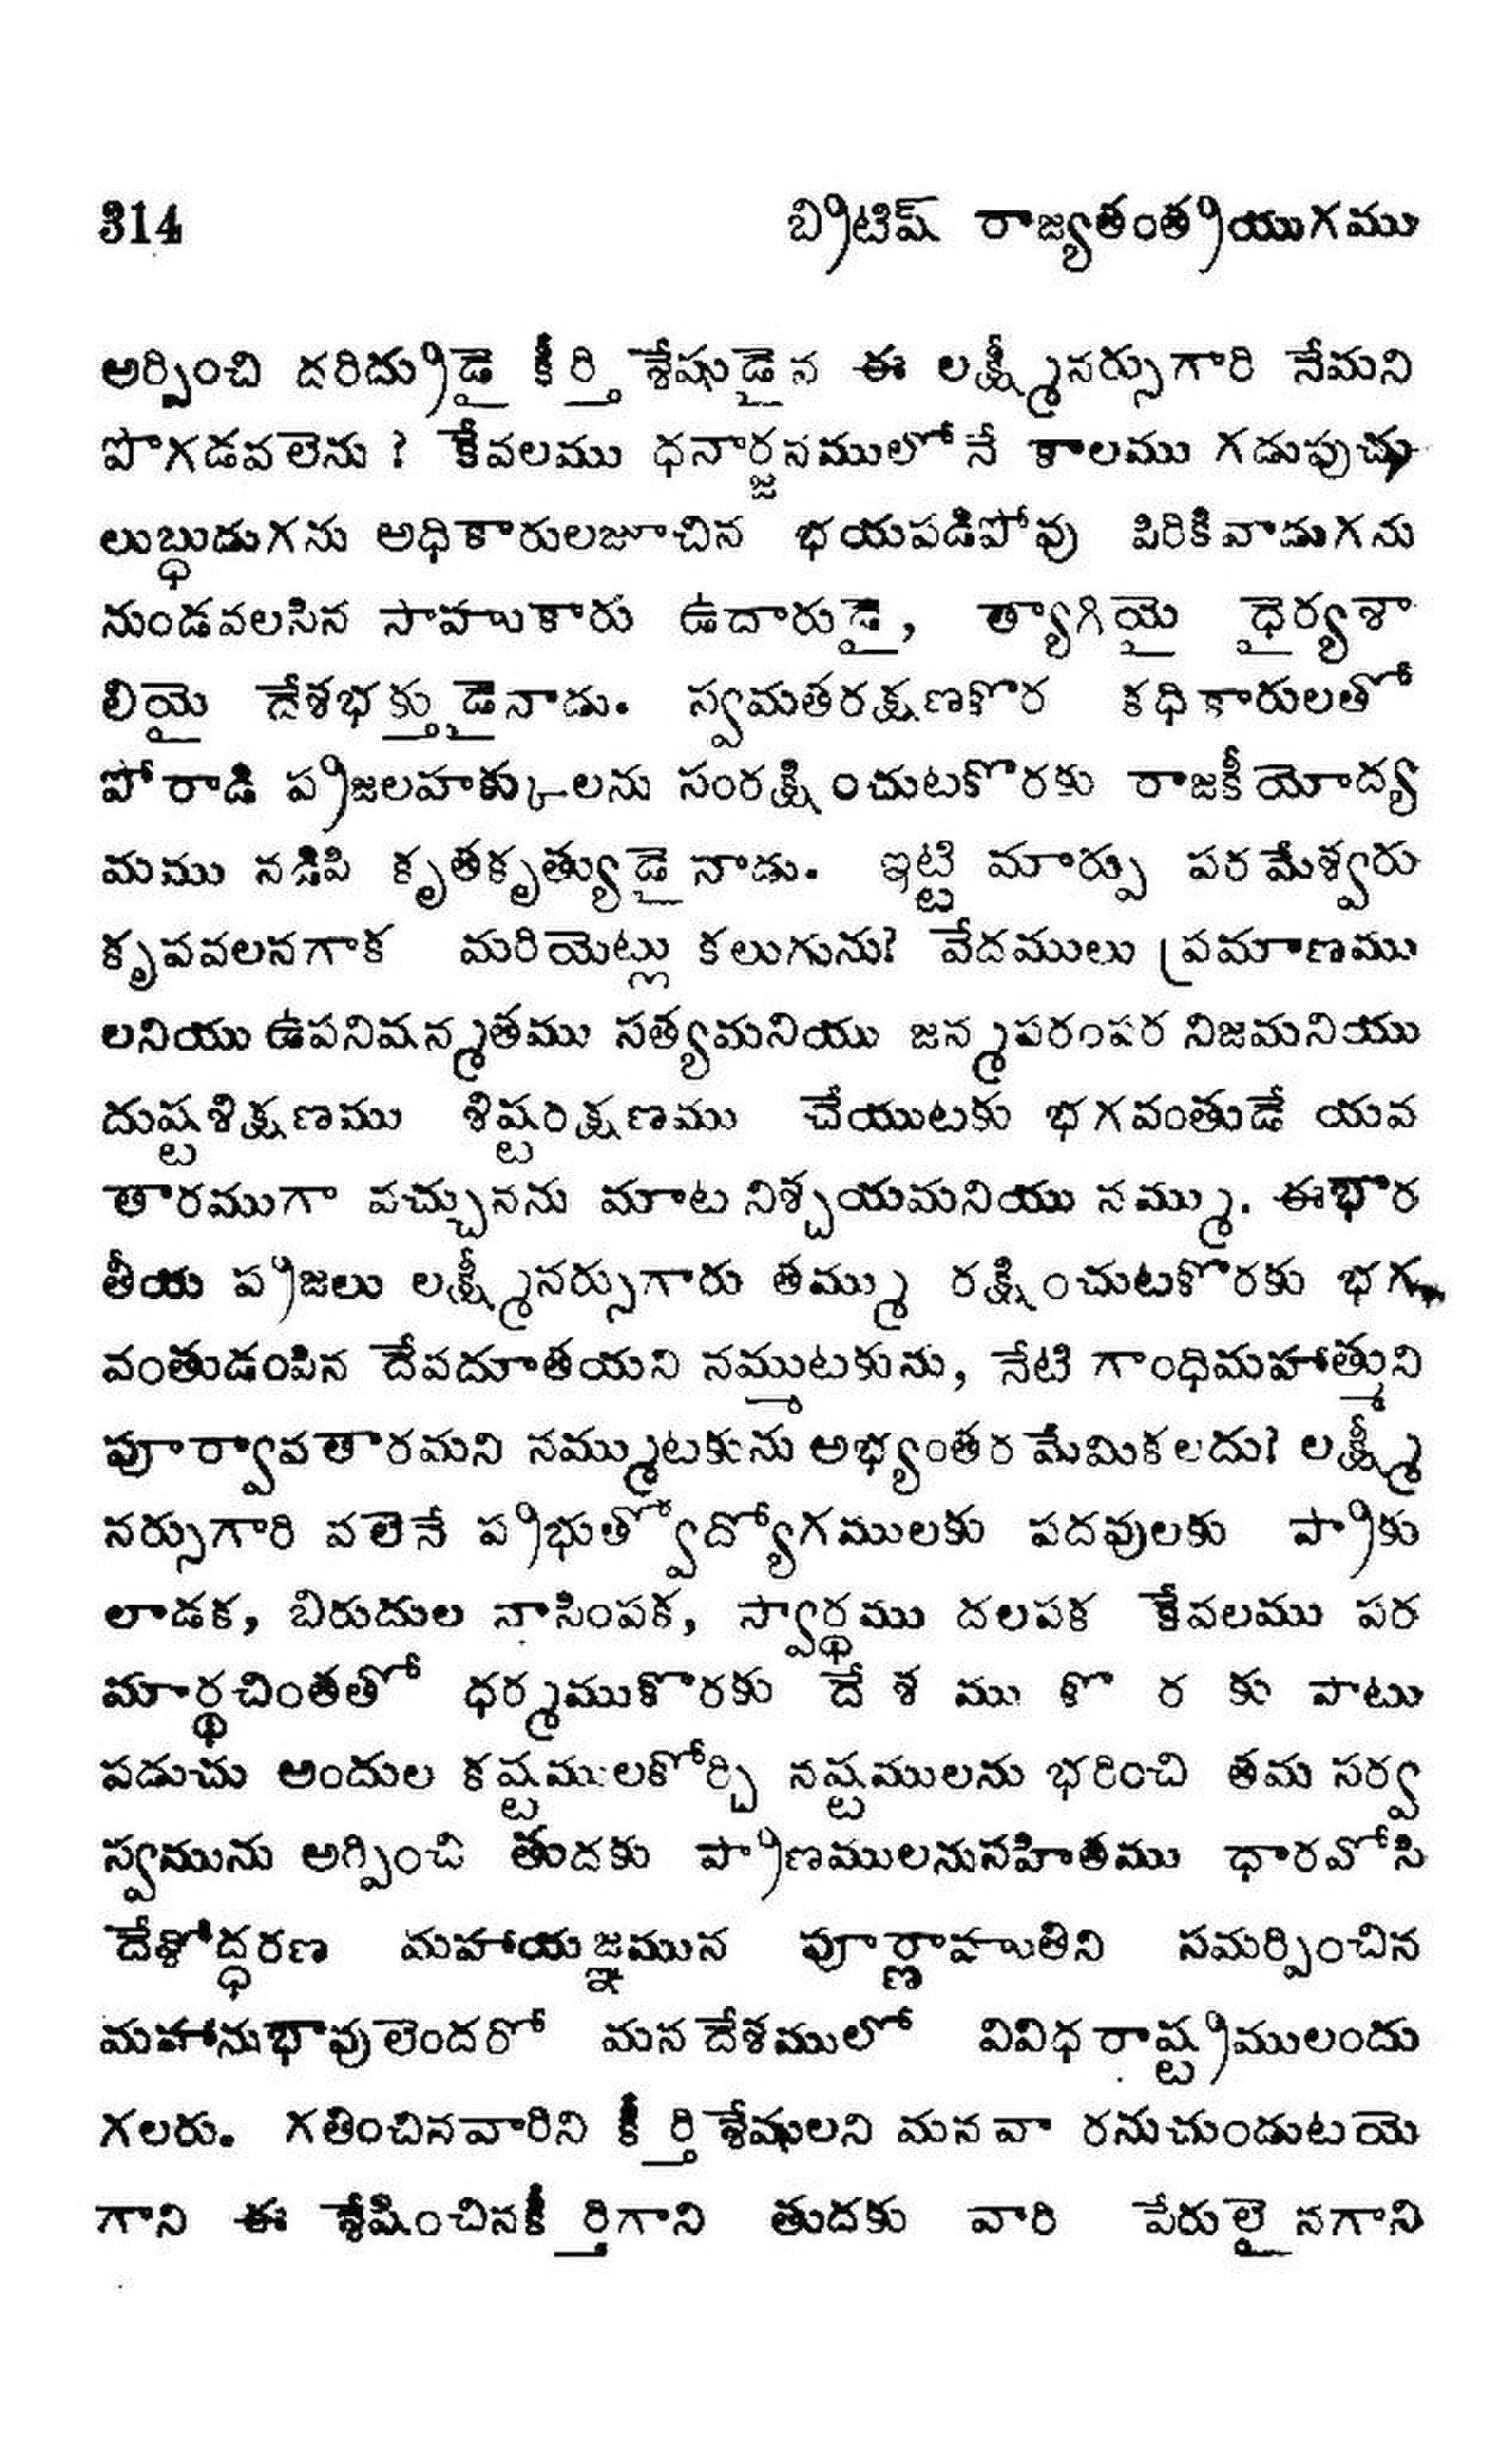అర్పించి దరిద్రుడై కీర్తి శేషుడైన ఈ లక్ష్మీనర్సుగారి నేమని పొగడవలెను? కేవలము ధనార్జనములోనే కాలము గడుపుచు లుబ్ధుడుగను అధికారులజూచిన భయపడిపోవు పిరికివాడుగను నుండవలసిన సాహుకారు ఉదారుడై , త్యాగియై ధైర్యశాలియై దేశభక్తుడైనాడు. స్వమతరక్షణకొర కధికారులతో పోరాడి ప్రజలహక్కులను సంరక్షించుటకొరకు రాజకీయోద్యమము నడిపి కృతకృత్యుడైనాడు. ఇట్టి మార్పు పరమేశ్వరు కృపవలనగాక మరియెట్లు కలుగును? వేదములు ప్రమాణములనియు ఉపనిషన్మతము సత్యమనియు జన్మపరంపర నిజమనియు దుష్టశిక్షణము శిష్టరక్షణము చేయుటకు భగవంతుడే యవతారముగా వచ్చునను మాట నిశ్చయమనియు నమ్ము ఈ భారతీయ ప్రజలు లక్ష్మీనర్సుగారు తమ్ము రక్షించుటకొరకు భగవంతుడంపిన దేవదూతయని నమ్ముటకును, నేటి గాంధీమహాత్ముని పూర్వావతారమని నమ్ముటకును అభ్యంతరమేమికలదు? లక్ష్మీనర్సుగారి వలెనే ప్రభుత్వోద్యోగములకు పదవులకు ప్రాకులాడక, బిరుదుల నాసింపక, స్వార్థము దలపక కేవలము పరమార్థచింతతో ధర్మముకొరకు దేశముకొరకు పాటుపడుచు అందుల కష్టములకోర్చి నష్టములను భరించి తమ సర్వస్వమును అర్పించి తుదకు ప్రాణములనుసహితము ధారవోసి దేశోద్ధరణ మహాయజ్ఞమున పూర్ణాహుతిని సమర్పించిన మహానుభావు లెందరో మనదేశములో వివిధరాష్ట్రములందు గలరు. గతించిన వారిని కీర్తిశేషులని మనవా రనుచుండుటయే గాని ఈ శేషించినకీర్తిగాని తుదకు వారి పేరులైనగాని